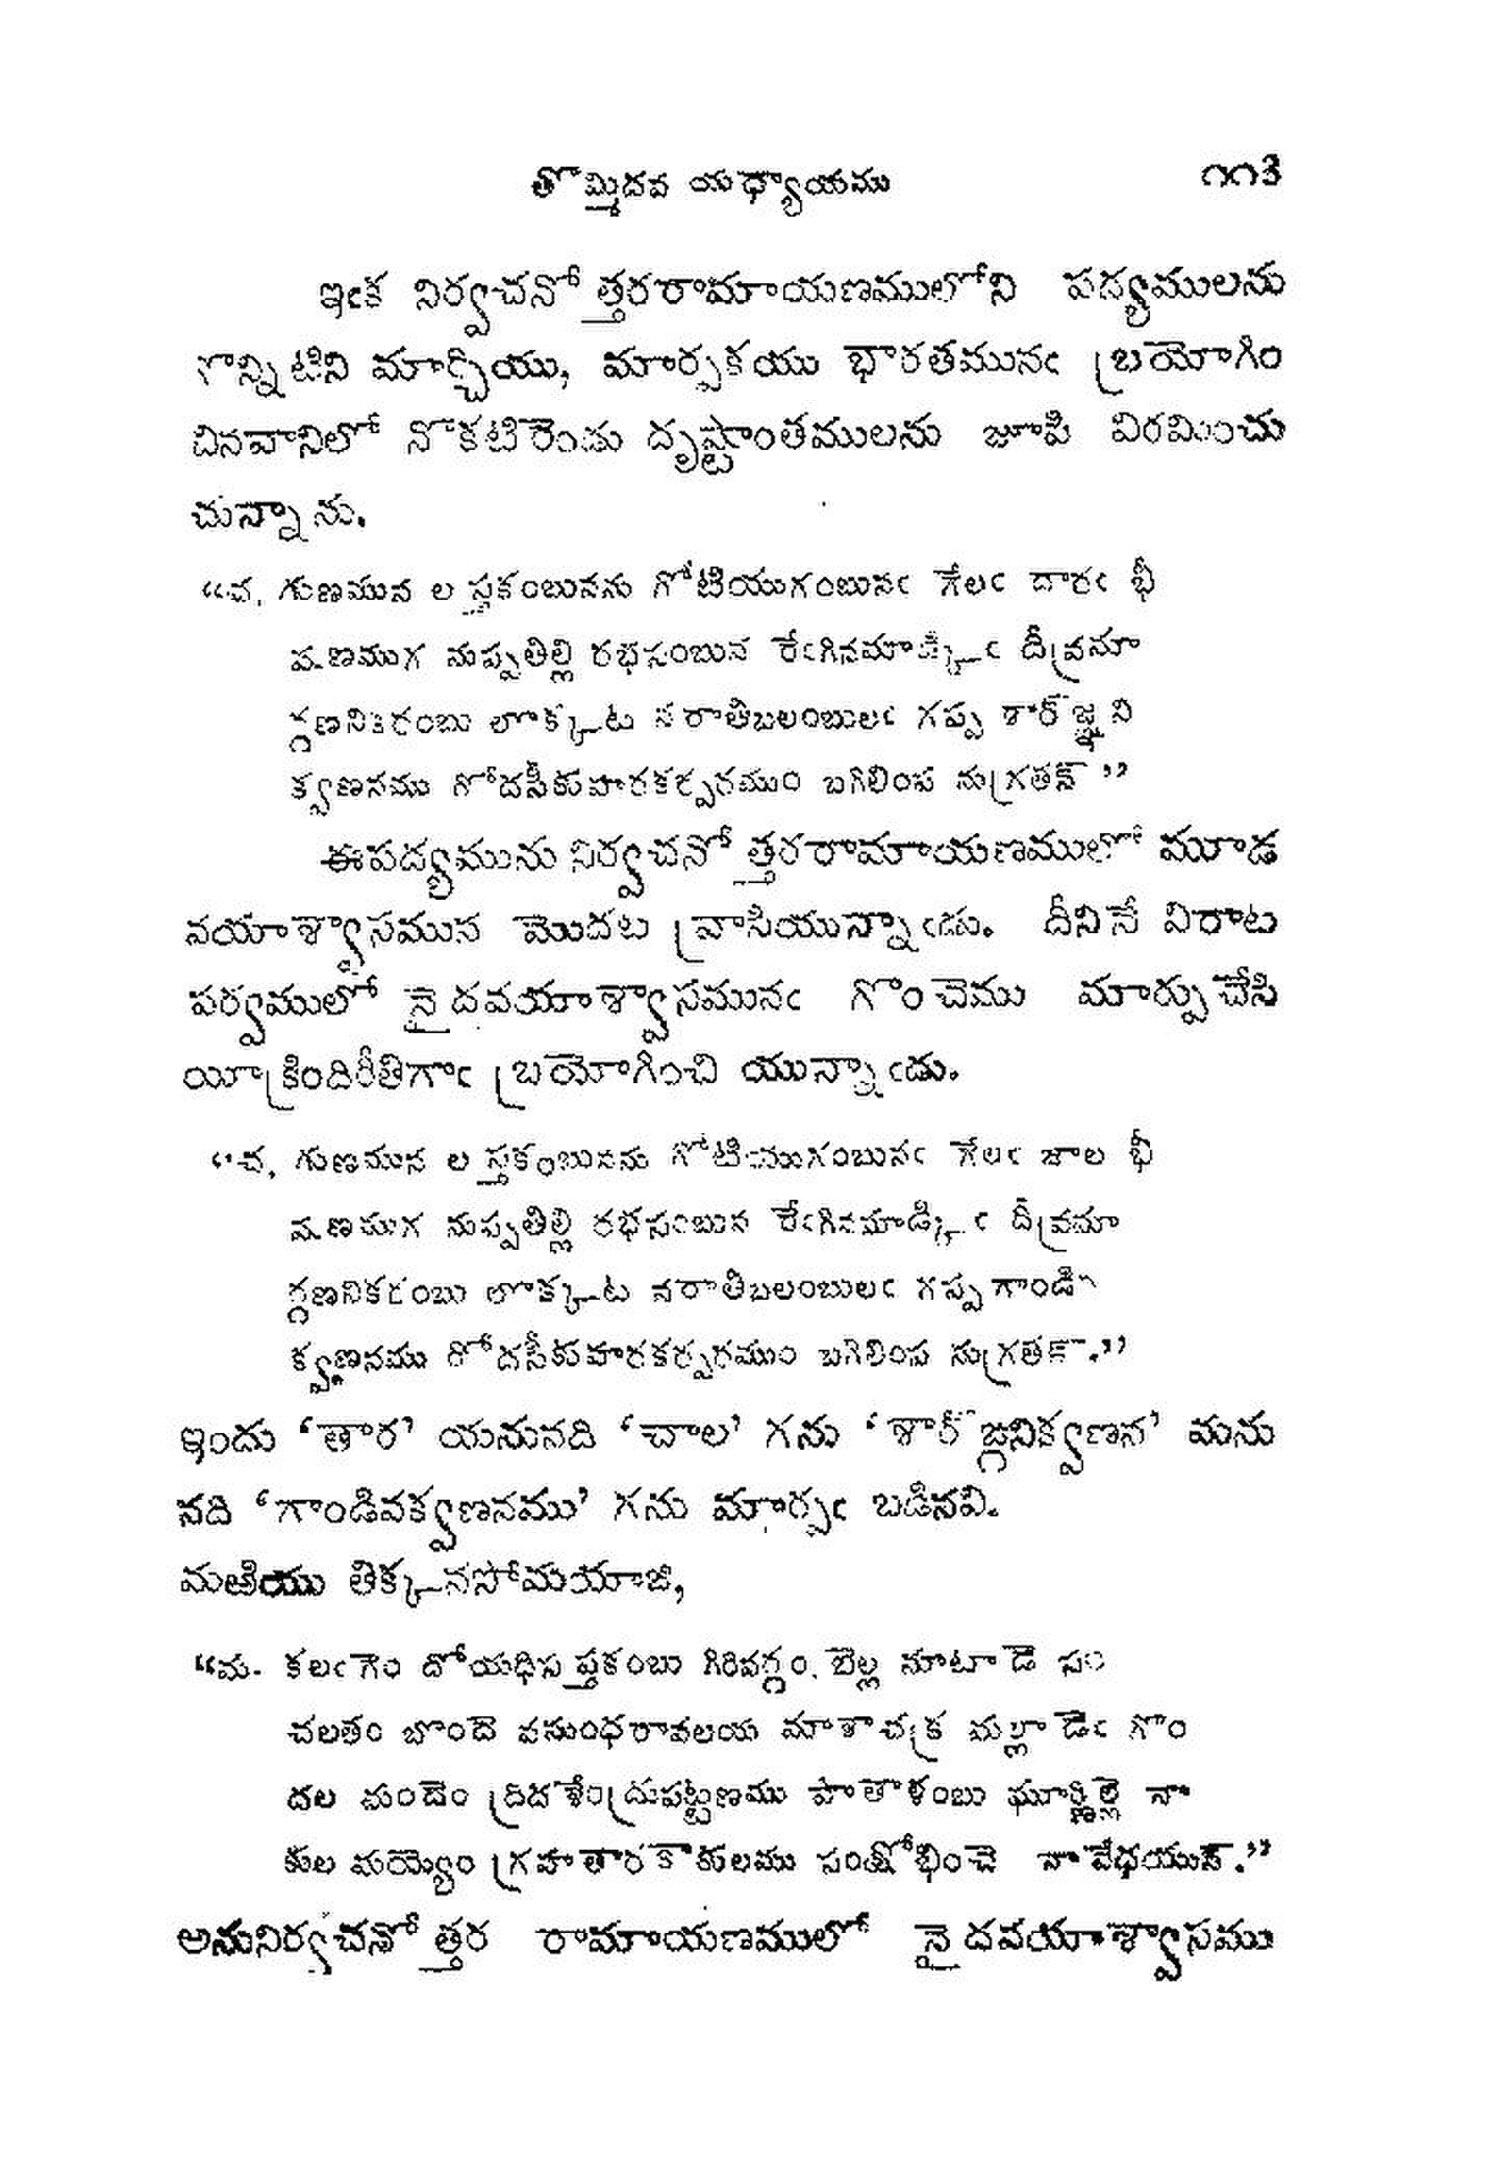ఇఁక నిర్వచనోత్తరరామాయణములోని పద్యములను గొన్నిటిని మార్చియు, మార్పకయు భారతమునఁ బ్రయోగించినవానిలో నొకటిరెండు దృష్టాంతములను జూపి విరమించు చున్నాను. 

"చ. గుణమున లస్తకంబునను గోటియుగంబునఁ గేలఁ దారఁ భీ 
 షణముగ నుప్పతిల్లి రభసంబున రేఁగినమాడ్కిఁ దీవ్రమా 
 ర్గణనికరంబు లొక్కట నరాతిబలంబులఁ గప్ప శార్‌జ్ఞ ని 
 క్వణనము గోదసీకుహరకర్పరముం బగిలింప నుగ్రతన్."
ఈపద్యమును నిర్వచనోత్తరరామాయణములో మూడ వయాశ్వాసమున మొదట వ్రాసియున్నాఁడు. దీనినే విరాటపర్వములో నైదవయాశ్వాసమునఁ గొంచెము మార్పుచేసి యీక్రిందిరీతిగాఁ బ్రయోగించి యున్నాడు. 

"చ. గుణమున లస్తకంబునను గోటియుగంబునఁ గేలఁ జాల భీ
 షణముగ నుప్పతిల్లి రభసంబున రేఁగినమాడ్కిఁ దీవ్రమా 
 ర్గణనికరంబు లొక్కట నరాతిబలంబులఁ గప్పగాండిర
 క్వణనము రోదసీకుహరకర్పరముం బగిలింప నుగ్రత౯." 
ఇందు 'తార' యనునది 'చాల' గను 'శార్‌ఙ్గనిక్వణన' మనునది 'గాండివక్వణనము' గను మార్చఁ బడినవి. 

మఱియు తిక్కన సోమయాజి, 

"మ. కలఁగెం దోయధిసప్తకంబు గిరివర్గం, బెల్ల మాటా డె సం
 చలతం బొందె వసుంధరావలయ మాశాచక్ర మల్లాడెఁ గొం 
 దల మండెం ద్రిదశేంద్రుపట్టణము పాతాళంబు ఘూర్ణిల్లె నా
 కుల మయ్యెం గ్రహతారకాకులము సంక్షోభించె నావేధయున్," 
అనునిర్వచనోత్తర రామాయణములో నైదవయాశ్వాసము